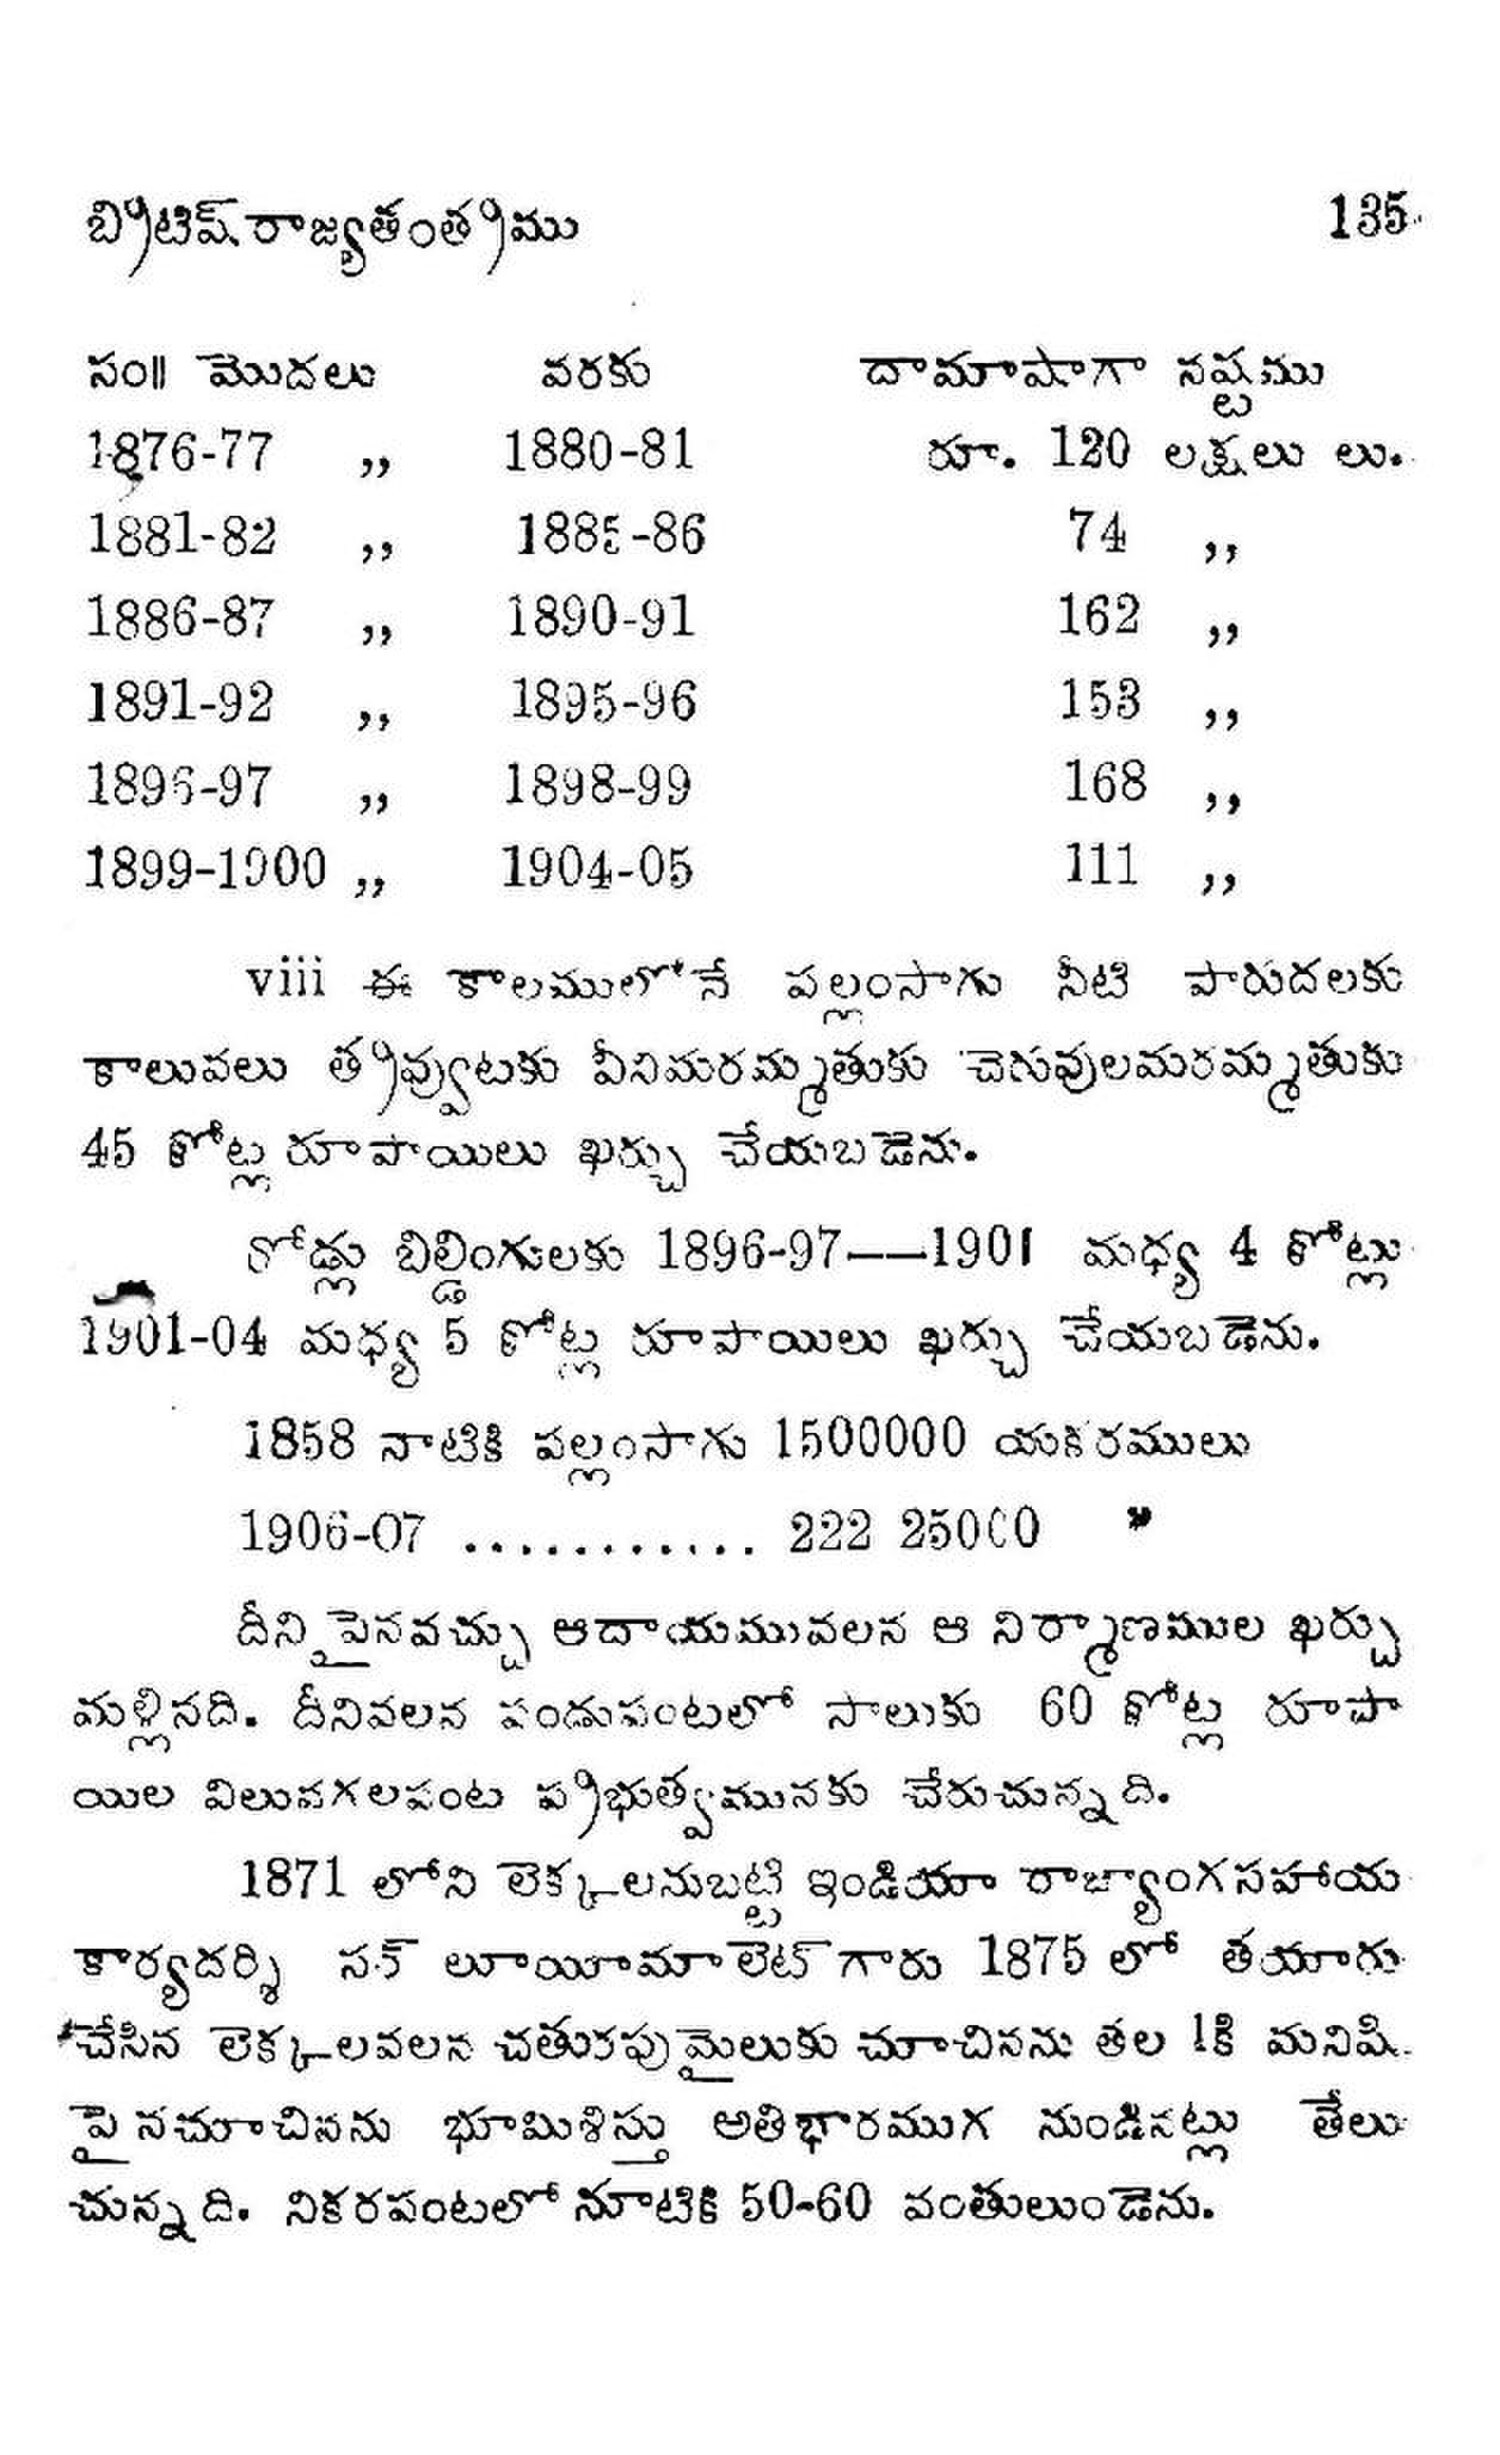సం. మొదలు వరకు దామాషాగా నష్టము 1876-77 1880-81 రూ 120 లక్షలు 1881-82 1885-86 రూ. 74 లక్షలు 1886-87 1890-91 రూ. 162 లక్షలు 1891-92 1895-96 రూ. 153 లక్షలు 1896-97 1898-99 రూ. 168 లక్షలు 1899-1900 1904-05 రూ. 111 లక్షలు

viii ఈ కాలములోనే పల్లంసాగు నీటి పారుదలకు కాలువలు త్రవ్వుటకు వీనిమరమ్మతుకు చెరువుల మరమ్మతుకు 45 కోట్ల రూపాయిలు ఖర్చు చేయబడెను.

రోడ్లు బిల్డింగులకు 1896-97 - 1901 మధ్య 4 కోట్లు 1901-04 మధ్య 5 కోట్ల రూపాయిలు ఖర్చు చేయబడెను.

1858 నాటికి పల్లంసాగు 1500000 యకరములు 

1906-07 ........... 222 25000 యకరములు

దీనిపైనవచ్చు ఆదాయమువలన ఆ నిర్మాణముల ఖర్చు మళ్లినది. దీనివలన పండుపంటలో సాలుకు 60 కోట్ల రూపాయిల విలువగలపంట ప్రభుత్వమునకు చేరుచున్నది.

1871 లోని లెక్కలనుబట్టి ఇండియా రాజ్యాంగసహాయ కార్యదర్శి సర్ లూయీమాలెట్ గారు 1875 లో తయారుచేసిన లెక్కలవలన చతురపుమైలుకు చూచినను తల 1కి మనిషి పైనచూచినను భూమిశిస్తు అతిభారముగ నుండినట్లు తేలుచున్నది. నికరపంటలో నూటికి 50-60 వంతులుండెను.